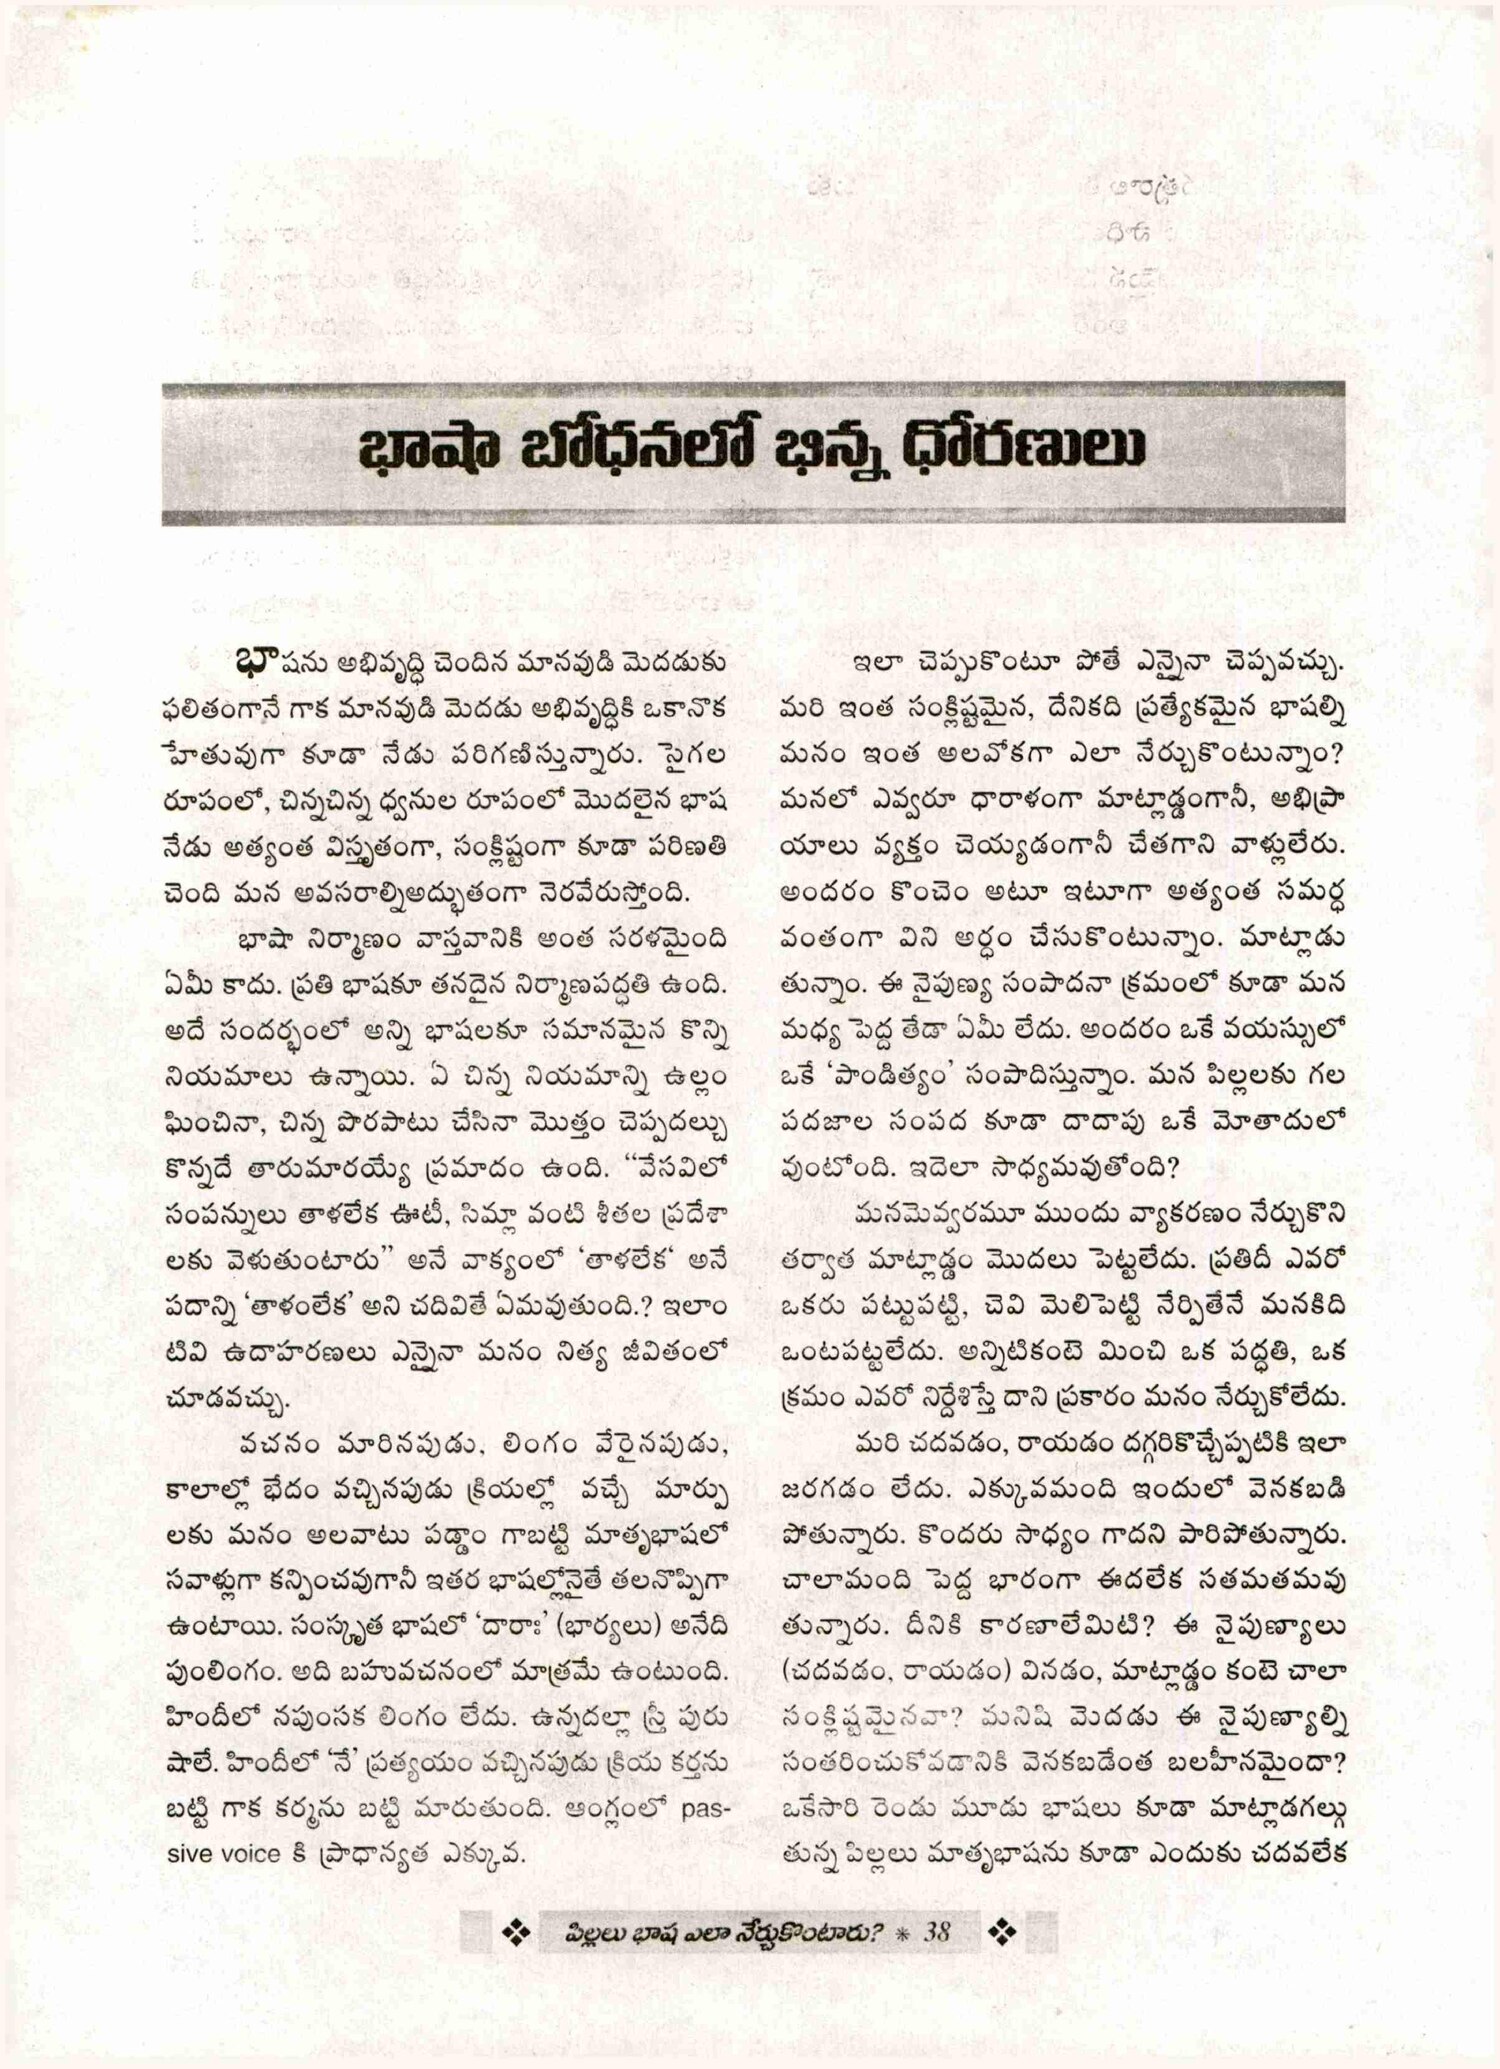భాషా బోధనలో భిన్న ధోరణులు

భాషను అభివృద్ధి చెందిన మానవుడి మెదడుకు ఫలితంగానే గాక మానవుడి మెదడు అభివృద్ధికి ఒకానొక
హేతువుగా కూడా నేడు పరిగణిస్తున్నారు. సైగల రూపంలో, చిన్నచిన్న ధ్వనుల రూపంలో మొదలైన భాష నేడు అత్యంత విస్తృతంగా, సంక్లిష్టంగా కూడా పరిణతి చెంది మన అవసరాల్నిఅద్భుతంగా నెరవేరుస్తోంది.

భాషా నిర్మాణం వాస్తవానికి అంత సరళమైంది ఏమీ కాదు. ప్రతి భాషకూ తనదైన నిర్మాణపద్ధతి ఉంది. అదే సందర్భంలో అన్ని భాషలకూ సమానమైన కొన్ని నియమాలు ఉన్నాయి. ఏ చిన్న నియమాన్ని ఉల్లంఘించినా, చిన్న పొరపాటు చేసినా మొత్తం చెప్పదల్చుకొన్నదే తారుమారయ్యే ప్రమాదం ఉంది. “వేసవిలో సంపన్నులు తాళలేక ఊటీ, సిమ్లా వంటి శీతల ప్రదేశాలకు వెళుతుంటారు” అనే వాక్యంలో 'తాళలేక' అనే పదాన్ని ‘తాళంలేక' అని చదివితే ఏమవుతుంది.? ఇలాంటివి ఉదాహరణలు ఎన్నైనా మనం నిత్య జీవితంలో చూడవచ్చు.

వచనం మారినపుడు, లింగం వేరైనపుడు, కాలాల్లో భేదం వచ్చినపుడు క్రియల్లో వచ్చే మార్పులకు మనం అలవాటు పడ్డాం గాబట్టి మాతృభాషలో సవాళ్లుగా కన్పించవుగానీ ఇతర భాషల్లోనైతే తలనొప్పిగా ఉంటాయి. సంస్కృత భాషలో 'దారాః' (భార్యలు) అనేది పుంలింగం. అది బహువచనంలో మాత్రమే ఉంటుంది. హిందీలో నపుంసక లింగం లేదు. ఉన్నదల్లా స్త్రీ పురుషాలే. హిందీలో 'నే' ప్రత్యయం వచ్చినపుడు క్రియ కర్తను బట్టి గాక కర్మను బట్టి మారుతుంది. ఆంగ్లంలో passive voice కి ప్రాధాన్యత ఎక్కువ.

ఇలా చెప్పుకొంటూ పోతే ఎన్నైనా చెప్పవచ్చు. మరి ఇంత సంక్లిష్టమైన, దేనికది ప్రత్యేకమైన భాషల్ని మనం ఇంత అలవోకగా ఎలా నేర్చుకొంటున్నాం? మనలో ఎవ్వరూ ధారాళంగా మాట్లాడ్డంగానీ, అభిప్రాయాలు వ్యక్తం చెయ్యడంగానీ చేతగాని వాళ్లులేరు. అందరం కొంచెం అటూ ఇటూగా అత్యంత సమర్ధవంతంగా విని అర్ధం చేసుకొంటున్నాం. మాట్లాడుతున్నాం. ఈ నైపుణ్య సంపాదనా క్రమంలో కూడా మన మధ్య పెద్ద తేడా ఏమీ లేదు. అందరం ఒకే వయస్సులో ఒకే 'పాండిత్యం' సంపాదిస్తున్నాం. మన పిల్లలకు గల పదజాల సంపద కూడా దాదాపు ఒకే మోతాదులో వుంటోంది. ఇదెలా సాధ్యమవుతోంది?

మనమెవ్వరమూ ముందు వ్యాకరణం నేర్చుకొని తర్వాత మాట్లాడ్డం మొదలు పెట్టలేదు. ప్రతిదీ ఎవరో ఒకరు పట్టుపట్టి, చెవి మెలిపెట్టి నేర్పితేనే మనకిది ఒంటపట్టలేదు. అన్నిటికంటె మించి ఒక పద్ధతి, ఒక క్రమం ఎవరో నిర్దేశిస్తే దాని ప్రకారం మనం నేర్చుకోలేదు.

మరి చదవడం, రాయడం దగ్గరికొచ్చేప్పటికి ఇలా జరగడం లేదు. ఎక్కువమంది ఇందులో వెనకబడి పోతున్నారు. కొందరు సాధ్యం గాదని పారిపోతున్నారు. చాలామంది పెద్ద భారంగా ఈదలేక సతమతమవుతున్నారు. దీనికి కారణాలేమిటి? ఈ నైపుణ్యాలు (చదవడం, రాయడం వినడం, మాట్లాడ్డం కంటె చాలా సంక్లిష్టమైనవా? మనిషి మెదడు ఈ నైపుణ్యాల్ని సంతరించుకోవడానికి వెనకబడేంత బలహీనమైందా? ఒకేసారి రెండు మూడు భాషలు కూడా మాట్లాడగల్గుతున్న పిల్లలు మాతృభాషను కూడా ఎందుకు చదవలేక